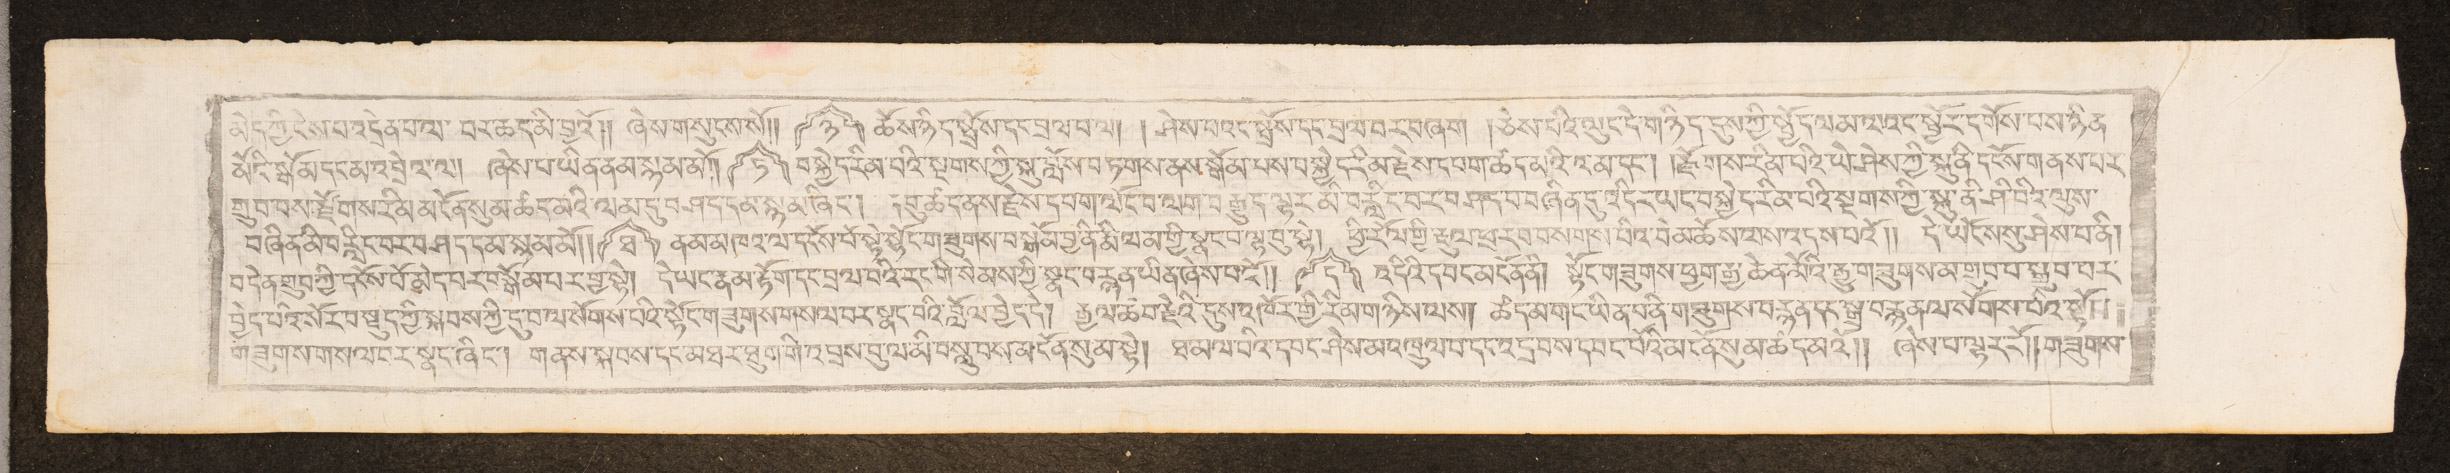མེད་ཀྱི་ངེས་པ་འདྲེན་པ་ལ་བར་ཆད་མི་བྱའོ།། ཞེས་གསུངས་སོ།། ༼༽ཉ༼༽ ཆོས་ཉིད་སྤྲོས་དང་བྲལ་བ་ལ། །ཤེས་པའང་སྤྲོས་དང་བྲལ་བར་བཞག །ཅེས་པའི་ལུང་དེ་གཉིད་དུས་ཀྱི་སྦྱོད་ལམ་ལའང་སྦྱོར་དགོས་པས་ཉིན་
མོའི་སྒོམ་དང་མ་འབྲེལ་ལ། ཞེས་པ་ཡིན་ནམ་སྙམ་མོ།། ༼༽ཏ༼༽ བསྐྱེད་རིམ་པའི་སྔགས་ཀྱི་སྐུ་བློས་བཏགས་ནས་སྒོམ་པས་བསྐྱེད་རིམ་རྗེས་དཔག་ཚད་མའི་ལམ་དང་། །རྫོགས་རིམ་པའི་ཡེ་ཤེས་ཀྱི་སྐུ་ནི་དངོས་གནས་པར་
གྲུབ་པས་རྫོགས་རིམ་མངོན་སུམ་ཚད་མའི་ལམ་དུ་བཤད་དམ་སྙམ་ཞིང་། དབུ་ཚད་ནས་རྗེས་དཔག་ལོང་བ་ལག་བརྒྱུད་ལྟར་མི་བརླིང་བར་བཤད་པ་བཞིན་དུ་འདིར་ཡང་བསྐྱེད་རིམ་པའི་སྔགས་ཀྱི་སྐུ་ནི་ཤི་བའི་ལུས་
བཞིན་མི་བརླིང་བར་བཤད་དམ་སྙམ་མོ།། ༼༽ཐ༼༽ ནམ་མཁའ་ལ་དངོས་པོ་སྟེ་སྟོང་གཟུགས་བསྒོམ་བྱ་ནི་རྨི་ལམ་གྱི་སྣང་བ་ལྟ་བུ་སྟེ། ཕྱི་རོལ་གྱི་རྔུལ་ཕྲ་རབ་བསགས་པའི་བེམ་ཆོས་ལས་འདས་པའོ།། དེ་ཡོངས་སུ་ཤེས་པ་ནི།
བདེན་གྲུབ་ཀྱི་དངོས་པོ་མེད་པར་བསྒོམ་པར་བྱ་སྟེ། དེ་ཡང་རྣམ་རྟོག་དང་བྲལ་བའི་རང་གི་སེམས་ཀྱི་སྣང་བརྙན་ཡིན་ཞེས་པའོ།། ༼༽ད༼༽ འདིའི་དབང་མངོན་ནི། སྟོང་གཟུགས་བྱ་བ་རྒྱ་ཆེན་མོའི་རྒྱུ་གཟུགས་མ་གྲུབ་པ་སྒྲུབ་པར་
བྱེད་པའི་སོར་བསྡུད་ཀྱི་སྐབས་ཀྱི་དུ་བ་ལ་སོགས་པའི་སྟོང་གཟུགས་གསལ་བར་སྣང་བའི་བློ་ལ་བྱེད་དེ། རྒྱལ་ཚབ་རྗེའི་དུས་འཁོར་གྱི་རིམ་གཉིས་ལས། ཚད་མ་གང་ཡིན་པ་ནི་གཟུགས་བརྙན་དང་སྒྲ་བརྙན་ལ་སོགས་པའི་སྟོང་
གཟུགས་གསལ་བར་སྣང་ཞིང་། གནས་སྐབས་དང་མཐར་ཐུག་གི་འབྲས་བུ་ལ་མི་བསླུ་བས་མངོན་སུམ་སྟེ། ཐ་མལ་བའི་དབང་ཤེས་མ་འཁྲུལ་བ་དང་འདྲ་བས་དབང་པོའི་མངོན་སུམ་ཚད་མའོ།། ཞེས་པ་ལྟར་རོ།། གཟུགས་